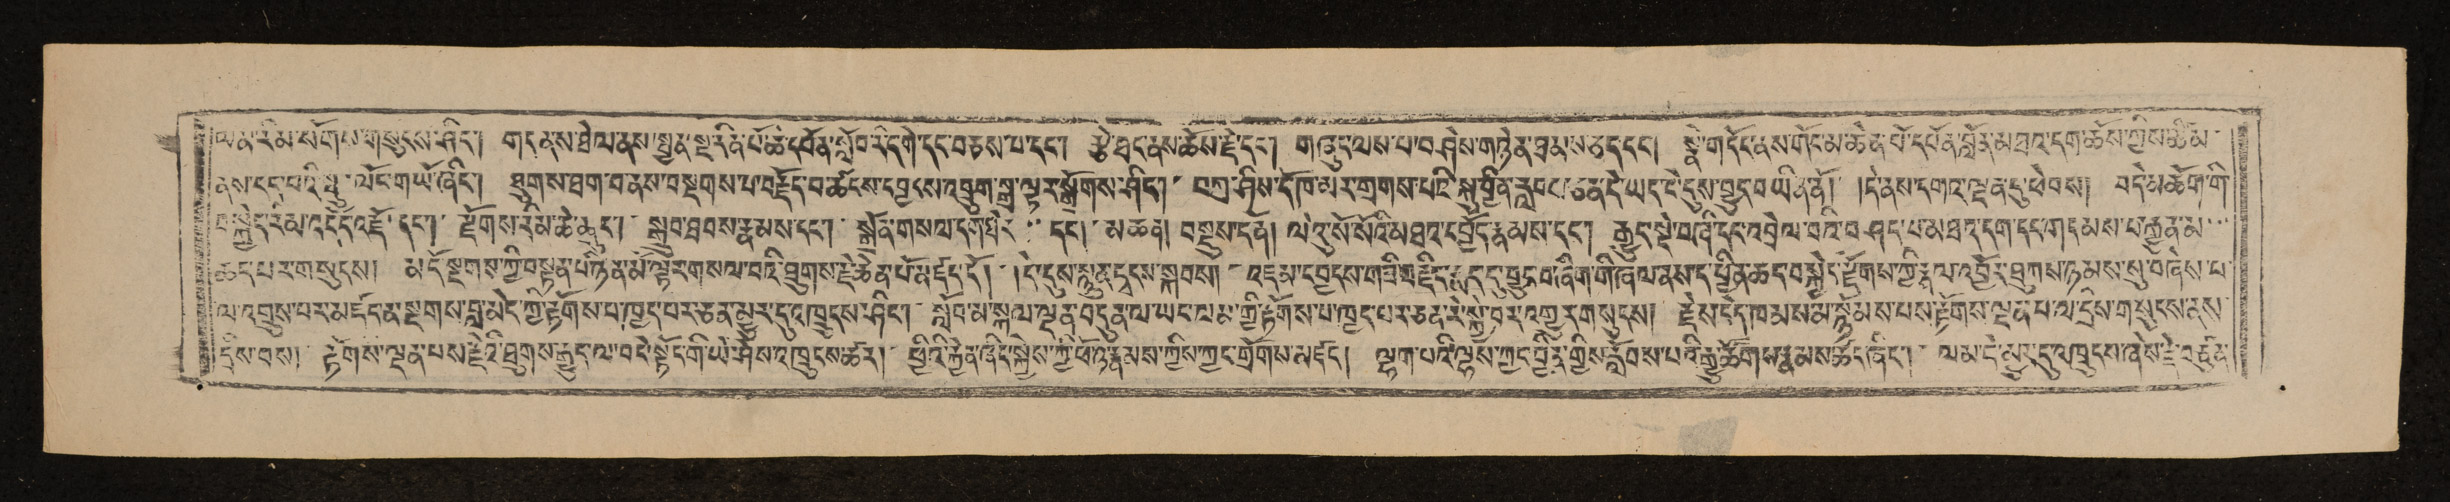ལམ་རིམ་སོགས་གསུངས་ཤིང་། གདན་ས་ཐེལ་ནས་སྤྱན་སྔ་རིན་པོ་ཆེ་དཔོན་སློབ་རི་དགེ་དང་བཅས་པ་དང་། རྩེ་ཐར་ནས་ཆོས་རྗེ་དང་། གཞུང་ལས་པ་བཤེས་གཉེན་ཐམས་ཅད་དང་། སྣེ་གདོང་ནས་གོང་མ་ཆེན་པོ་དཔོན་བློན་མཐའ་དག་ཆོས་ཀྱིས་ཚིམ་
ནས་དད་པའི་སྤུ་ལོང་གཡོ་ཞིང་། ཐུགས་ཐག་པ་ནས་བསྔགས་པ་བརྗོད་པ་ཚངས་དབྱངས་འབྲུག་སྒྲ་ལྟར་སྒྲོགས་ཤིང་། བཀྲ་ཤིས་དོ་ཁ་མར་གྲགས་པའི་སྐུ་བྱིན་རླབས་ཅན་དེ་ཡང་དེ་དུས་བྱུང་བ་ཡིན་ནོ། །དེ་ནས་དགའ་ལྡན་དུ་ཕེབས། བདེ་མཆོག་གི་
བསྐྱེད་རིམ་འདོད་འཇོ་དང་། རྫོགས་རིམ་ཆེ་ཆུང་། སྒྲུབ་ཐབས་རྣམས་དང་། སྒྲོན་གསལ་དག་ཐེར་དང་། མཆན། བསྡུས་དོན། ལེའུ་སོ་སོའི་མཐའ་དཔྱོད་རྣམས་དང་། རྒྱུད་སྡེ་བཞི་དང་འབྲེལ་བའི་བཤད་པ་མཐའ་དག་དང་གདམས་པ་རྒྱུན་མ་
ཆད་པར་གསུངས། མདོ་སྔགས་ཀྱི་བསྟན་པ་ཉིན་མོ་ལྟར་གསལ་བའི་ཐུགས་རྗེ་ཆེན་པོ་མཛད་དོ། །དེ་དུས་སྙུན་དྭངས་སྐབས། འཇམ་དབྱངས་གཟི་བརྗིད་རྨད་དུ་བྱུང་བ་ཞིག་གི་ཞལ་ནས་ད་ཕྱིན་ཆད་བསྐྱེད་རྫོགས་ཀྱི་རྣལ་འབྱོར་ཐུགས་ཉམས་སུ་བཞེས་པ་
ལ་འགྲུབ་པར་མཛད་ན་སྔགས་བླ་མེད་ཀྱི་རྟོགས་པ་ཁྱད་པར་ཅན་མྱུར་དུ་འཁྲུངས་ཤིང་། སློབ་མ་སྐལ་ལྡན་བདུན་ལ་ཡང་ལམ་གྱི་རྟོགས་པ་ཁྱད་པར་ཅན་རེ་སྐྱེ་བར་འགྱུར་གསུངས། རྗེས་ངེད་ཁམས་མ་སྙོམས་པས་རྟོགས་ལྡན་པ་ལ་དྲིས་གསུངས་ནས་
དྲིས་པས། རྟོགས་ལྡན་པས་རྗེའི་ཐུགས་རྒྱུད་ལ་བདེ་སྟོང་གི་ཡེ་ཤེས་འཁྲུངས་ཚར། ཕྱིའི་རྐྱེན་ཞིང་སྐྱེས་ཀྱི་ཕོ་ཉ་རྣམས་ཀྱིས་ཀྱང་གྲོགས་མཛད། ལྷག་པའི་ལྷས་ཀྱང་བྱིན་གྱིས་རློབས་པའི་རྒྱུ་ཚོགས་རྣམས་ཚང་ཞིང་། ལམ་དེ་མྱུར་དུ་འཁྲུངས་ཞེས་རྗེ་བཙུན་